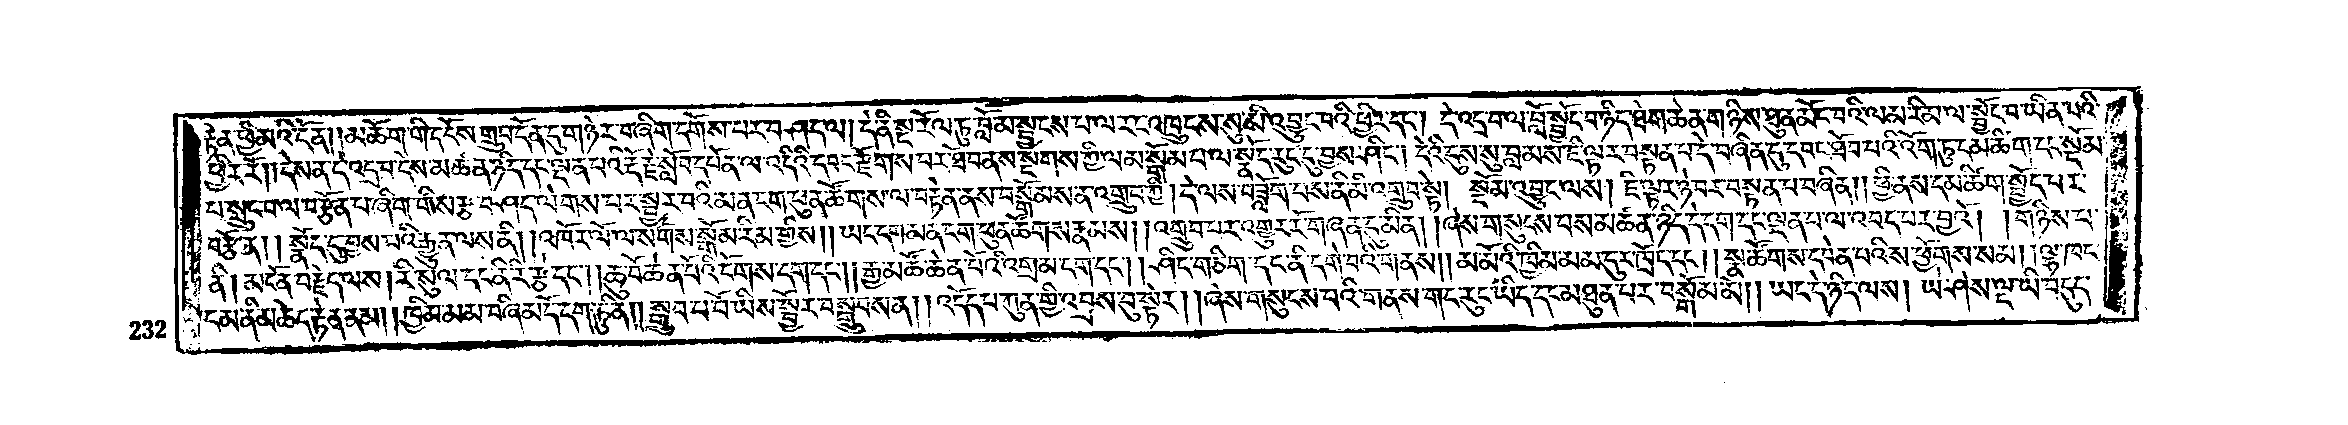རྟེན་ཕྱི་མའི་དོན། །མཆོག་གི་དངོས་གྲུབ་དོན་དུ་གཉེར་བ་ཞིག་དགོས་པར་བཤད་ལ། དེ་ནི་སྔ་རོལ་ཏུ་བློ་མ་སྦྱངས་པ་ལ་རང་འཁྲུངས་སུ་མི་འབྱུང་བའི་ཕྱིར་དང་། དེ་འདྲ་བ་ལ་བློ་སྦྱོང་བ་ཉིད་ཐེག་ཆེན་གཉིས་ཐུན་མོང་བའི་ལམ་རིམ་ལ་སྦྱོང་བ་ཡིན་པའི་
ཕྱིར་རོ། །དེས་ན་དེ་འདྲ་བ་དེས་མཚན་ཉིད་དང་ལྡན་པའི་རྡོ་རྗེ་སློབ་དཔོན་ལ་འདིའི་དབང་རྫོགས་པར་ཐོབ་ནས་སྔགས་ཀྱི་ལམ་སྒོམ་པ་ལ་སྣོད་རུང་དུ་བྱས་ཤིང་། དེའི་དུས་སུ་བླ་མས་ཇི་ལྟར་བསྟན་པ་དེ་བཞིན་དུ་དབང་ཐོབ་པའི་འོག་ཏུ་དམ་ཚིག་དང་སྡོམ་
པ་སྲུང་བ་ལ་བརྩོན་པ་ཞིག་གིས་རྩ་བཤད་ལེགས་པར་སྦྱར་བའི་མན་ངག་ཕུན་ཚོགས་ལ་བརྟེན་ནས་བསྒོམས་ན་འགྲུབ་ཀྱི། དེ་ལས་བཟློག་པས་ནི་མི་འགྲུབ་སྟེ། སྡོམ་འབྱུང་ལས། ཇི་ལྟར་ཉེ་བར་བསྟན་པ་བཞིན། །ཕྱི་ནས་དམ་ཚིག་སྤྱོད་པར་
བརྩོན། །སྣོད་དུ་བྱས་པའི་རྒྱུན་ལས་ནི། །འཁོར་ལོ་ལ་སོགས་སྒོམ་རིམ་གྱིས། །ཡང་དག་མན་ངག་ཕུན་ཚོགས་རྣམས། །འགྲུབ་པར་འགྱུར་རོ་གཞན་དུ་མིན། །ཞེས་གསུངས་པས་མཚན་ཉིད་དེ་དག་དང་ལྡན་པ་ལ་འབད་པར་བྱའོ། །གཉིས་པ་
ནི། མངོན་བརྗོད་ལས། རི་སུལ་དང་ནི་རི་རྩེ་དང་། །ཆུ་བོ་ཆེན་པོའི་ངོགས་དག་དང་། །རྒྱ་མཚོ་ཆེན་པོའི་འགྲམ་དག་དང་། །ཤིང་གཅིག་དང་ནི་དགེ་བའི་གནས། །མ་མོའི་ཁྱིམ་མམ་དུར་ཁྲོད་དང་། །སྣ་ཚོགས་དབེན་པའི་ས་ཕྱོགས་སམ། །ལྷ་ཁང་
དམ་ནི་མཆོད་རྟེན་ནམ། །ཁྱིམ་མམ་བཞི་མདོ་དག་ཏུ་ནི། །སྒྲུབ་པ་པོ་ཡིས་སྦྱོར་བསྒྲུབས་ན། །འདོད་པ་ཀུན་གྱི་འབྲས་བུ་སྟེར། །ཞེས་གསུངས་པའི་གནས་གང་རུང་ཡིད་དང་མཐུན་པར་བསྒོམ་མོ། །ཡང་དེ་ཉིད་ལས། ཡེ་ཤེས་ལྔ་ཡི་བདུད་